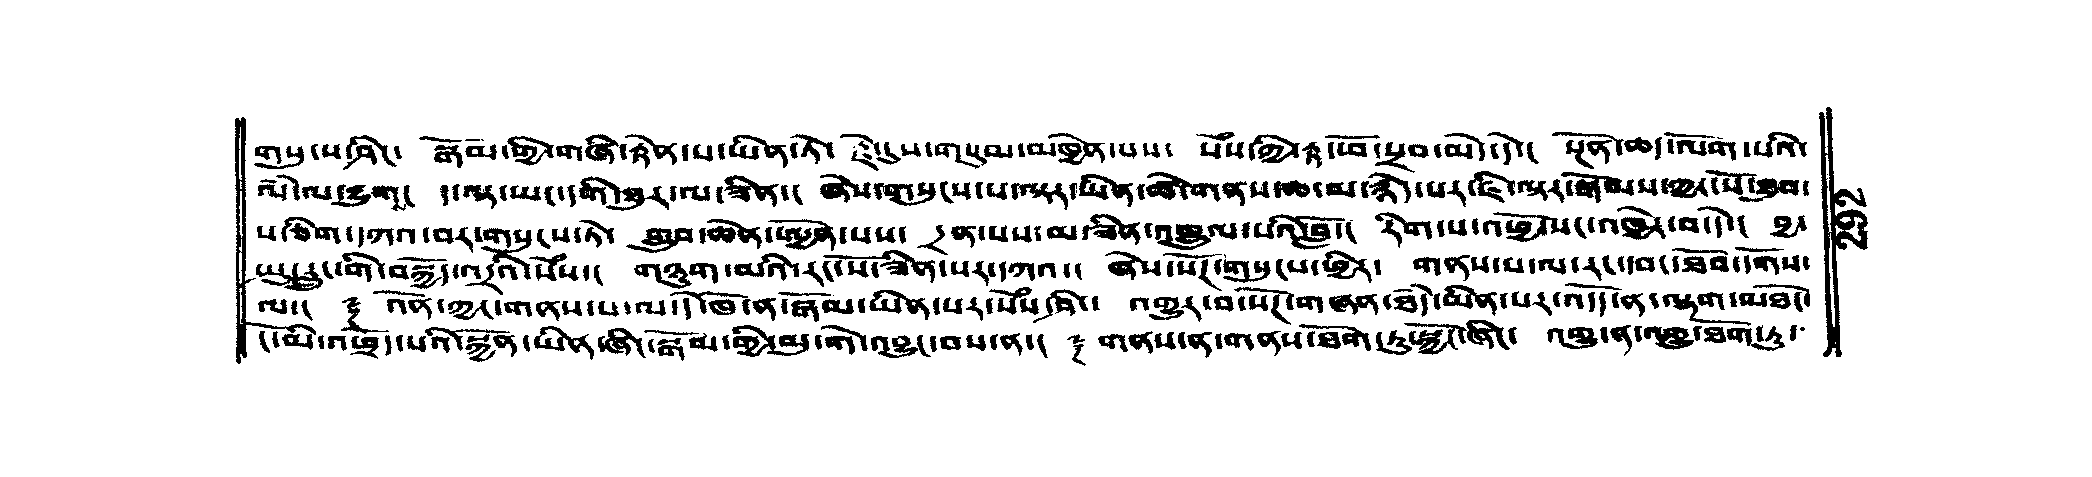གསུངས་ཤིང་། སྒོམ་གྱི་གཞི་རྟེན་པ་ཡིན་ཏེ། རྗེ་དུས་གསུམ་མཁྱེན་པས། སེམས་ཀྱི་རྟ་ཕོ་སྲབ་མེད་དེ། །སྔོན་ཆད་ལོག་པའི་
ལམ་ལ་རྒྱུགས། །ད་ལྟ་ཡང་དག་གི་ཐུར་ལ་ཟིན། ཞེས་གསུངས་པ་ལྟར་ཡིན་ཚེ་གནས་ཆ་མ་རྙེད་པར་ཇི་ལྟར་སྒོམས་ཀྱང་སོ་ཐུབ་
པ་ཅིག་དཀའ་བར་གསུངས་ཏེ། གྲུབ་ཆེན་ཨོ་རྒྱན་པས། དྲན་པས་མ་ཟིན་འཁྲུལ་པའི་བློ། །རིག་པ་འཕྱོ་སང་འཁྱེར་བ་དེ། །བྱ་
སྤུ་རླུང་གི་བསྐྱོད་འདྲའི་སེམས། །གཉུག་མའི་རང་ས་ཟིན་པར་དཀའ།ཞེས་སོགས་གསུངས་ཕྱིར། གནས་པ་ལ་རང་དབང་ཐོབ་དགོས་
ལ། ༈ འོན་ཀྱང་གནས་པ་ལ་དེ་ཁོ་ན་སྒོམ་ཡིན་པར་སེམས་ཤིང་། འགྱུར་བ་སོགས་གཞན་ཐམས་ཅད་མིན་པར་འདོད་ན་ལྷག་མཐོང་
ངོ་མི་འཕྲོད་པའི་སྐྱོན་ཡིན་ཞིང་སྒོམ་གྱི་མུ་གེ་འབྱུང་བས་ན། ༈ གནས་ན་གནས་ཐོག་ཏུ་སྐྱོ་ཞིང་། འགྱུ་ན་འགྱུ་ཐོག་ཏུ་